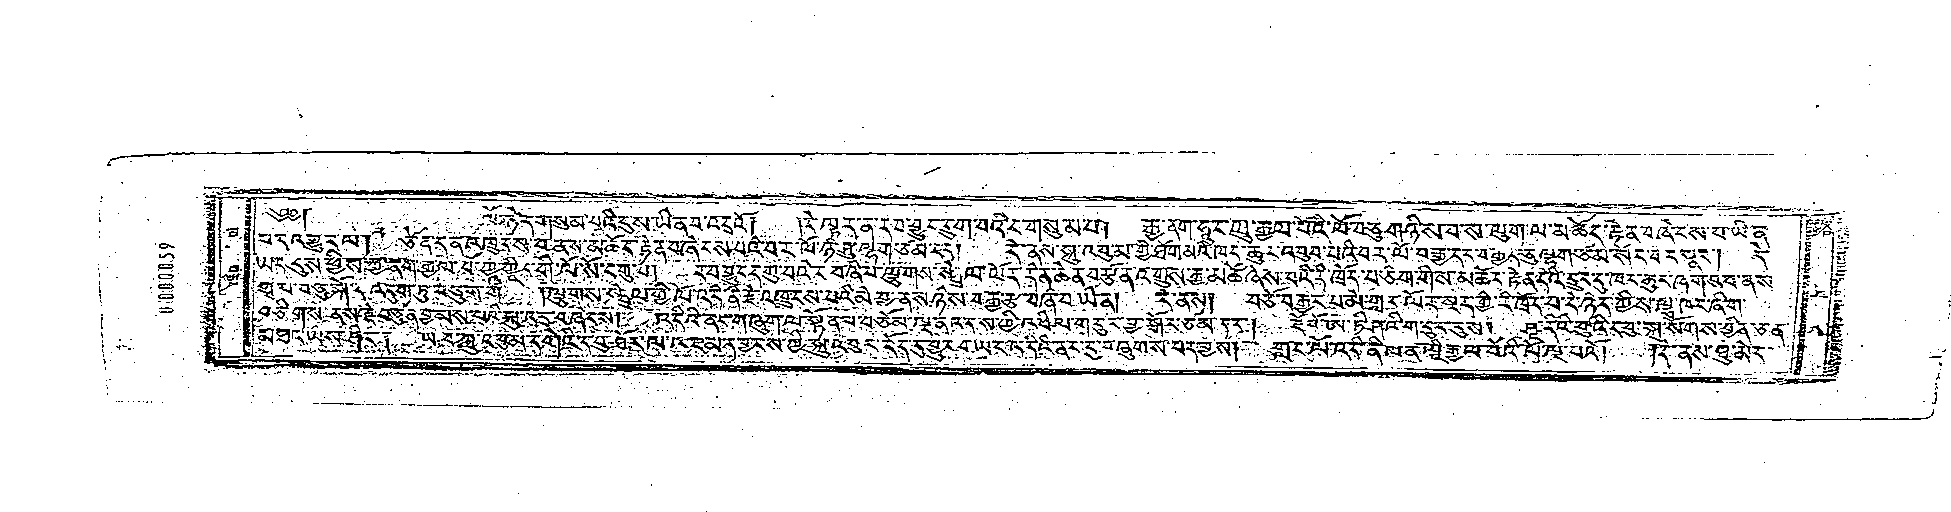༄༅། །ལོ་ཉེར་གསུམ་པའི་དུས་ཡིན་བ་འདྲའོ། །དེ་ལྟར་ན་རབ་བྱུང་དྲུག་བའི་ང་གསུམ་པ། རྒྱ་ནག་ཧཱུང་ལུ་རྒྱལ་པོའི་ལོ་བཅུ་གཉིས་བས་ལུག་ལ་མཆོད་རྟེན་བཞེངས་པ་ཡིན་
པར་འགྱུར་ལ། ཙེན་དན་འཁྲུངས་བ་ནས་མཆོད་རྟེན་བཞེངས་པའི་བར་ལོ་ཉི་ཤུ་ལྷག་ཙམ་དང་། དེ་ནས་སྐུ་འབུམ་གྱི་ཐོག་མའི་ཁང་ཆུང་འབུབ་པའི་བར་ལོ་བརྒྱ་དང་བརྒྱད་ཅུ་ལྷག་ཙམ་སོང་བར་སྣང་། དེ་
ཡང་དུས་ཕྱིས་རྒྱ་ནག་རྒྱལ་པོ་ཀྱཱ་ཀྱཱི་གི་ལོ་སོ་དབུ་པ། རབ་བྱུང་དགུ་པའི་ང་བཞི་པ་ལྕགས་སྤྲལ་ལོར་རིན་ཆེན་བརྩོན་འགྲུས་རྒྱ་མཚོ་ཞེས་བའི་རི་ཁྲོད་པ་ཅིག་གིས་མཆོད་རྟེན་དེའི་དྲུང་དུ་ཁང་ཆུང་ཞག་བུབ་ནས་
གྲྭ་པ་བཅུ་སྐོར་འདུག་ཏུ་བཅུག་གོ །ལྕགས་སྤྲེལ་གྱི་ལོ་འདི་ནི་རྗེ་འཁྲུངས་པའི་མེ་བྱ་ནས་ཉིས་བརྒྱ་རྩ་བཞི་པ་ཡིན། དེ་ནས། བཅོ་བརྒྱད་པ་མེ་གླང་ལོར་སྔར་གྱི་རི་ཁྲོད་པ་དེ་ཉིད་ཀྱིས་ལྷ་ཁང་ཞིག་
བཙིགས་ནས་རྗེ་བཙུན་བྱམས་པའི་སྐུ་འདྲ་བཞེངས། འདིའི་ནང་གཞུག་ལ་སྟོན་པ་བཅོམ་ལྡན་འདས་ཀྱི་འཕེལ་གདུང་བྱ་སྒོང་ཙམ་དང་། ཇོ་བོ་ཨ་ཏི་ཤའི་གདུང་རུས། ཤཱ་རིའི་བུའི་དབུ་སྐྲ་སོགས་བྱིན་ཅན་
མཐའ་ཡས་ཤིང་། ཡབ་ཀླུ་འབུམ་དགེའི་དབུ་ཐོར་ལ་འཇམ་དབྱངས་ཀྱི་སྐུ་འབུར་ངོད་དུ་བྱུང་བ་ཡང་འདིའི་ནང་དུ་བཞུགས་པར་བྱས། གླང་ལོ་འདི་ནི་ལན་ལཱི་རྒྱལ་པོའི་ལོ་ལྔ་པའོ། །དེ་ནས་ཐུ་མེད་